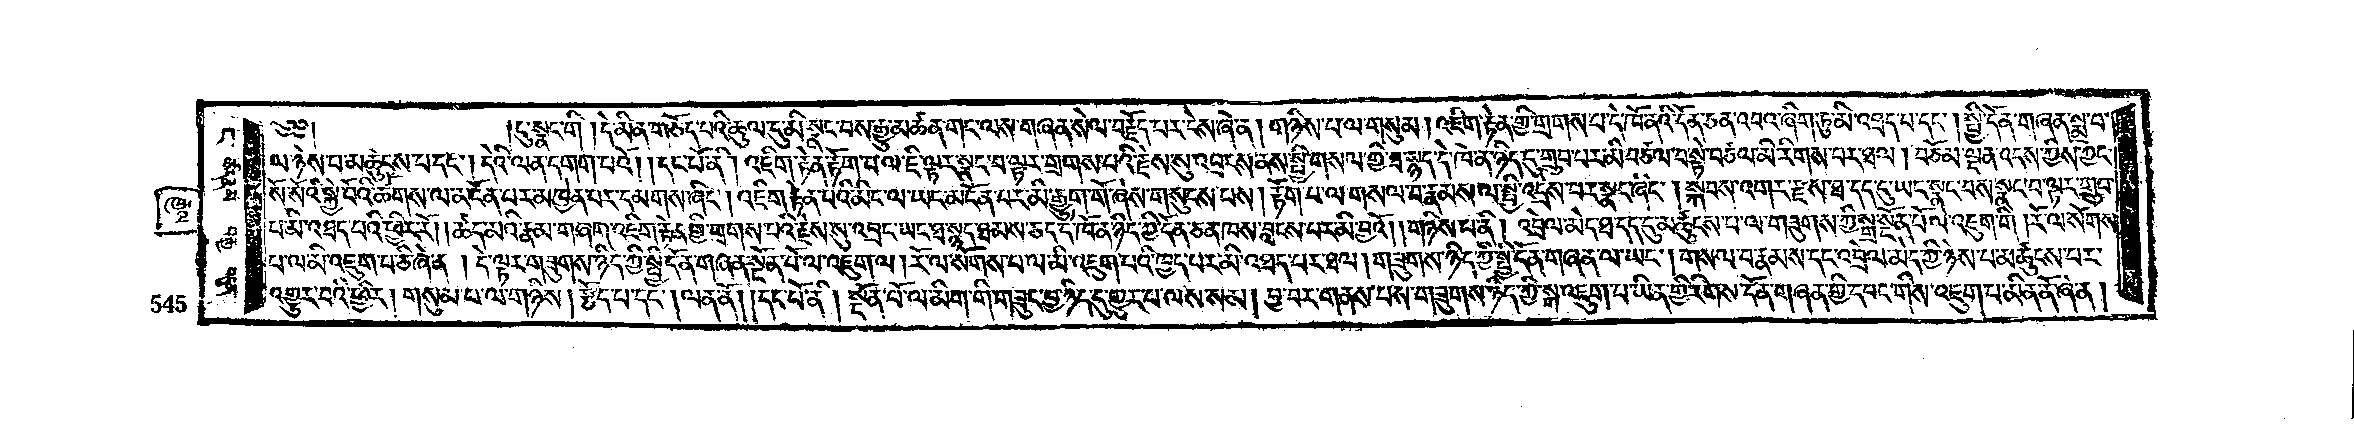༄༅། །དུ་སྣང་གི །དེ་མིན་གཅོད་པའི་ཚུལ་དུ་མི་སྣང་བས་རྒྱུ་མཚན་གང་ལས་གཞན་སེལ་བརྗོད་པར་ངེས་ཞེ་ན། གཉིས་པ་ལ་གསུམ། འཇིག་རྟེན་གྱི་གྲགས་པ་དེ་ཁོ་ནའི་དོན་ཅན་འབའ་ཞིག་ཏུ་མི་འཐད་པ་དང་། སྤྱི་དོན་གཞན་སྨྲ་བ་
ལ་ཉེས་པ་མཚུངས་པ་དང་། དེའི་ལན་དགག་པའོ། །དང་པོ་ནི། འཇིག་རྟེན་རྟོག་པ་ལ་ཇི་ལྟར་སྣང་བ་ལྟར་གྲགས་པའི་རྗེས་སུ་འབྲངས་ནས་སྤྱི་གསལ་གྱི་ཐ་སྙད་དེ་ཁོ་ན་ཉིད་དུ་གྲུབ་པར་མི་བཙལ་བ་སྟེ་བཙལ་མི་རིགས་པར་ཐལ། བཅོམ་ལྡན་འདས་ཀྱིས་ཀྱང་
སོ་སོའི་སྐྱེ་བོའི་ཚོགས་ལ་མངོན་པར་མཁྱེན་པར་དམིགས་ཞིང་། འཇིག་རྟེན་པའི་མིང་ལ་ལ་ཡང་མངོན་པར་མི་རྒྱུག་གོ་ཞེས་གསུངས་པས། རྟོག་པ་ལ་གསལ་བ་རྣམས་ལ་སྤྱི་འདྲེས་པར་སྣང་ཞིང་། སྐབས་འགར་རྫས་ཐ་དད་དུ་ཡང་སྣང་བ་ལྟར་གྲུབ་
པ་མི་འཐད་པའི་ཕྱིར་རོ། །ཚད་མའི་རྣམ་གཞག་འཇིག་རྟེན་གྱི་གྲགས་པའི་རྗེས་སུ་འབྲང་ཡང་ཐ་སྙད་ཐམས་ཅད་དེ་ཁོ་ན་ཉིད་ཀྱི་དོན་ཅན་ཁས་བླངས་པར་མི་བྱའོ། །གཉིས་པ་ནི། འབྲེལ་མེད་ཐ་དད་དུ་མཚུངས་པ་ལ་གཟུགས་ཀྱི་སྒྲ་སྔོན་པོ་ལ་འཇུག་གི །རོ་ལ་སོགས་
པ་མི་འཇུག་པ་ཅི་ཞེ་ན། དེ་ལྟར་གཟུགས་ཉིད་ཀྱི་སྤྱི་དོན་གཞན་སྔོན་པོ་ལ་འཇུག་ལ། རོ་ལ་སོགས་པ་ལ་མི་འཇུག་པའི་ཁྱད་པར་མི་འཐད་པར་ཐལ། གཟུགས་ཉིད་ཀྱི་སྤྱི་དོན་གཞན་ལ་ཡང་། གསལ་བ་རྣམས་དང་འབྲེལ་མེད་ཀྱི་ཉེས་པ་མཚུངས་པར་
འགྱུར་བའི་ཕྱིར། གསུམ་པ་ལ་གཉིས། རྩོད་པ་དང་། ལན་ནོ། །དང་པོ་ནི། སྔོན་པོ་ལ་མིག་གི་གཟུང་བྱ་ཉིད་དུ་གྱུར་པ་ལས་སམ། བྱ་བར་གནས་པས་གཟུགས་ཉིད་ཀྱི་སྒྲ་འཇུག་པ་ཡིན་གྱི་རིགས་དོན་གཞན་གྱི་དབང་གིས་འཇུག་པ་མིན་ནོ་ཞེ་ན།